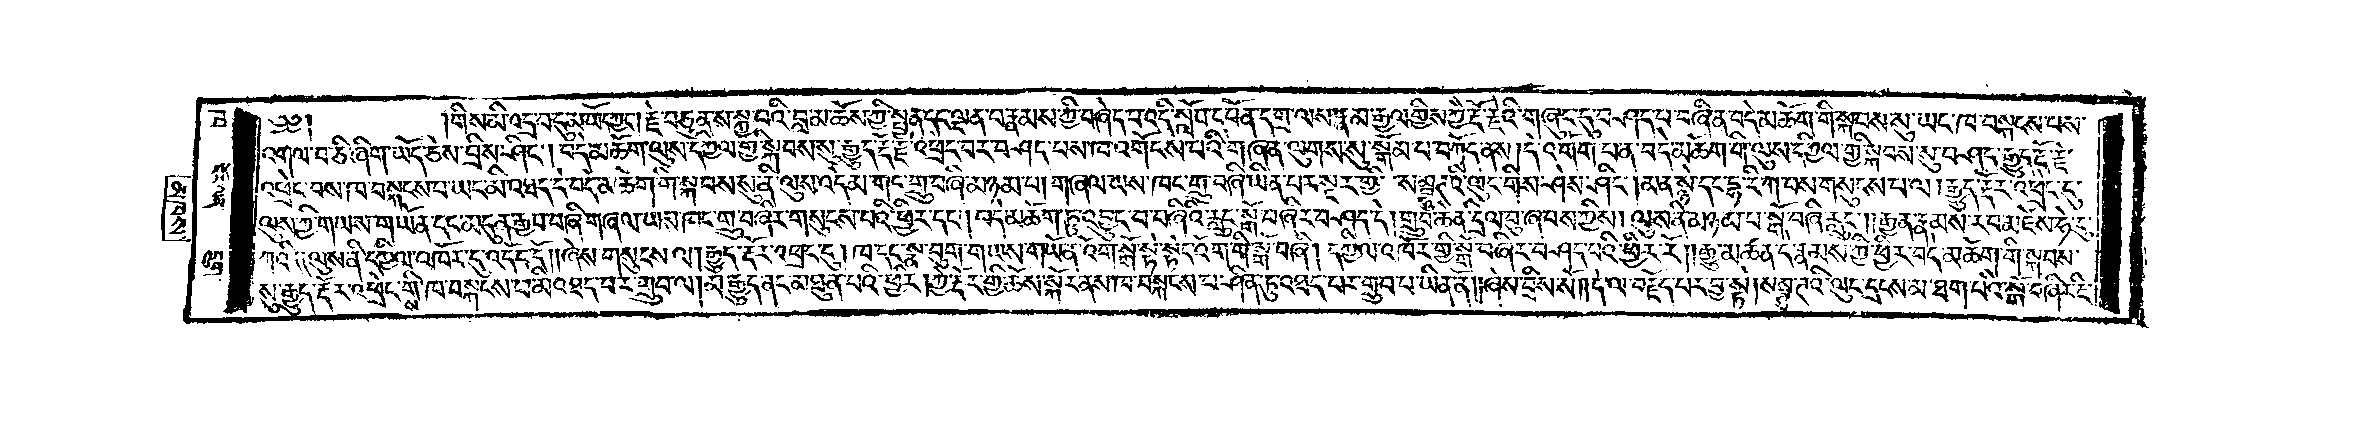{ངོར་ལེན}་༄༅། །གིས་མི་འདྲ་བ་དུ་མ་ཡོད་ཀྱང་། རྗེ་བཙུན་ས་སྐྱ་བའི་བླ་མ་ཆོས་ཀྱི་སྤྱན་དང་ལྡན་པ་རྣམས་ཀྱི་བཞེད་པ་འདི་སློབ་དཔོན་དགྲ་ལས་རྣམ་རྒྱལ་གྱིས་ཀྱཻ་རྡོ་རྗེའི་གཞུང་དུ་བཤད་པ་བཞིན་བདེ་མཆོག་གི་སྐབས་སུ་ཡང་ཁ་བསྐངས་པས་
འགལ་བ་ཅི་ཞིག་ཡོད་ཅེས་བྲིས་ཤིང་། བདེ་མཆོག་ལུས་དཀྱིལ་གྱི་སྐབས་སུ་རྒྱུད་རྡོ་རྗེ་འཕྲེང་བར་བཤད་པས་ཁ་འགོངས་པའི་གཞན་ལུགས་སུ་སྒོམ་པ་བཀོད་ནས། དེ་འགོག་པ་ན་བདེ་མཆོག་གི་ལུས་དཀྱིལ་གྱི་སྐབས་སུ་བཤད་རྒྱུད་རྡོ་རྗེ་
འཕྲེང་བས་ཁ་བསྐངས་པ་ཡང་མི་འཐད་དེ་བདེ་མཆོག་གི་སྐབས་སུ་ནི་ལུས་འདེམ་གང་གྲུ་བཞི་མཉམ་པ། གཞལ་ཡས་ཁང་གྲུ་བཞི་ཡིན་པར་སྔར་གྱི་སམྦྷུཊའི་ལུང་གིས་ཤེས་ཤིང་། མན་སྙེ་དང་དྷ་རི་ཀ་པས་གསུངས་པ་ལ། རྒྱུད་རྡོར་འཕྲེང་དུ་
ལུས་ཀྱི་གཡས་གཡོན་དང་མདུན་རྒྱབ་བཞི་གཞལ་ཡས་ཁང་གྲུ་བཞིར་གསུངས་པའི་ཕྱིར་དང་། བདེ་མཆོག་ཏུ་འབྱུང་བ་བཞིའི་རླུང་སྒོ་བཞིར་བཤད་དེ། གྲུབ་ཆེན་དྲིལ་བུ་ཞབས་ཀྱིས། ལུས་ནི་མཉམ་པ་སྒོ་བཞི་རླུང་། །རྒྱན་རྣམས་རབ་མཛེས་ཧེ་རུ་
ཀའི། །ལུས་ནི་དཀྱིལ་འཁོར་དུ་འདོད་དོ། །ཞེས་གསུངས་ལ། རྒྱུད་རྡོར་འཕྲེང་དུ། ཁ་དང་སྣ་བུག་གཡས་གཡོན་འོག་སྒོ་སྟེ་སྟེང་འོག་གི་སྒོ་བཞི། དཀྱིལ་འཁོར་གྱི་སྒོ་བཞིར་བཤད་པའི་ཕྱིར་རོ། །རྒྱུ་མཚན་དེ་རྣམས་ཀྱི་ཕྱིར་བདེ་མཆོག་གི་སྐབས་
སུ་རྒྱུད་རྡོར་འཕྲེང་གིས་ཁ་བསྐངས་པ་མི་འཐད་པར་གྲུབ་ལ། མ་རྒྱུད་ནང་མཐུན་པའི་ཕྱིར། ཀྱེ་རྡོར་གྱི་ཆོས་སྐོར་ནས་ཁ་བསྐངས་པ་ཤིན་ཏུ་འཐད་པར་གྲུབ་པ་ཡིན་ནོ། །ཞེས་བྲིས་སོ། །དེ་ལ་བརྗོད་པར་བྱ་སྟེ། སམྦྷུ་ཊའི་ལུང་དྲངས་མ་ཐག་པའི་སྒོ་བཞིར་རྡི་